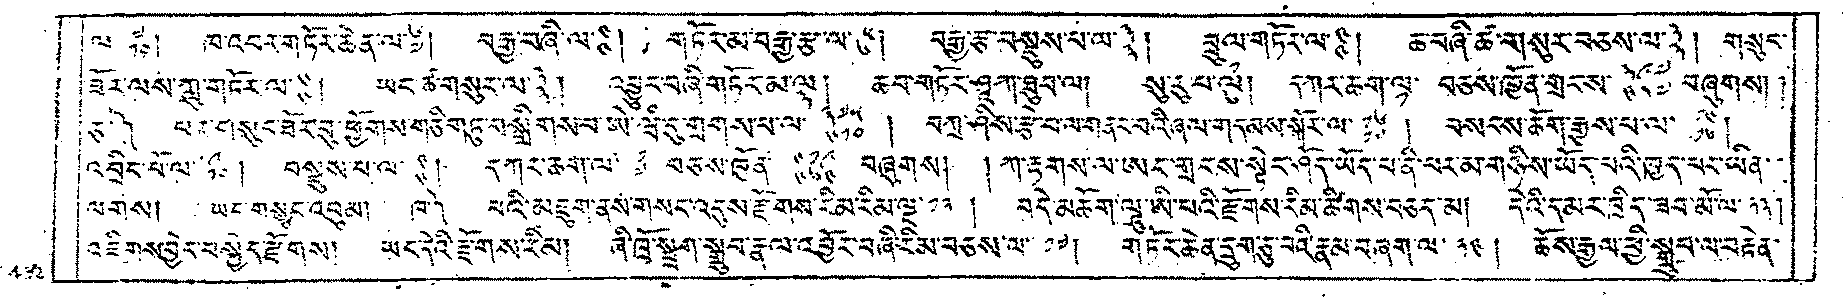༧་ལ ༡༠། ཁ་འབར་གཏོར་ཆེན ༦་ལ ༧། བརྒྱ་བཞི ༤་ལ ༤། གཏོར་མ་བརྒྱ་རྩ ༥་ལ ༦། བརྒྱ་རྩ་བསྡུས་པ ༣་ལ ༣། བྲུལ་གཏོར ༤་ལ ༤། ཆ་བཞི་ཚ་གསུར་བཅས ༣་ལ ༣། གསུང་
ཐོར་ལས་ཀླུ་གཏོར ༤་ལ ༤། ཡང་ཚ་གསུར ༣་ལ ༣། འབྱུང་བཞི་གཏོར་མ་ལ ༣། ཆབ་གཏོར་ཤཱ་ཀ་ཐུབ་ལ། སུ་རུ་པ ༡་ལ ༦། དཀར་ཆག་ལ ༡་བཅས་ཁྱོན་གྲངས ༣༩༧ ༤༨༧་བཞུགས། །
ཅ྄་པར་གསུང་ཐུར་བུ་ཕྱོགས་གཅིག་ཏུ་བསྒྲིགས་པ་ཨེ་ཝཾ་དུ་གྲགས་པ་ལ ༣༧༥ ༤༡༠། བཀྲ་ཤིས་རྩེ་བ་ལ་གནང་བའི་ཞལ་གདམས་སྐོར་ལ ༡༦ ༡༧། བསངས་ཆོག་རྒྱས་པ་ལ ༡༤ ༡༦།
འབྲིང་པོ་ལ ༩ ༡༠། བསྡུས་པ་ལ ༤ ༤། དཀར་ཆག་ལ ༡ ༧་བཅས་ཁྱོན ༤༡༩ ༤༦༤་བཞུགས། །ཀ་རྟགས་ལ་ཨང་གྲངས་སྟེང་ཤོད་ཡོད་པ་ནི་པར་མ་གཉིས་ཡོད་པའི་ཁྱད་པར་ཡིན་
ལགས། ཡང་གསུང་འབུམ། ཁ྄་པའི་མཇུག་ནས་གསང་འདུས་རྫོགས་རིམ་རིམ་ལྔ ༡༢། བདེ་མཆོག་ལཱུ་ཨི་པའི་རྫོགས་རིམ་ཚིགས་བཅད་མ། དེའི་དམར་ཁྲིད་ཟབ་མོ་ལ ༢༣།
འཇིགས་བྱེད་བསྐྱེད་རྫོགས། ཡང་དེའི་རྫོགས་རིམ། ཞི་ཁྲོ་སྦྲག་སྒྲུབ་རྣལ་འབྱོར་བཞི་རིམ་བཅས་ལ ༡༧། གཏོར་ཆེན་དྲུག་ཅུ་པའི་རྣམ་བཞག་ལ ༢༤། ཆོས་རྒྱལ་ཕྱི་སྒྲུབ་ལ་བརྟེན་